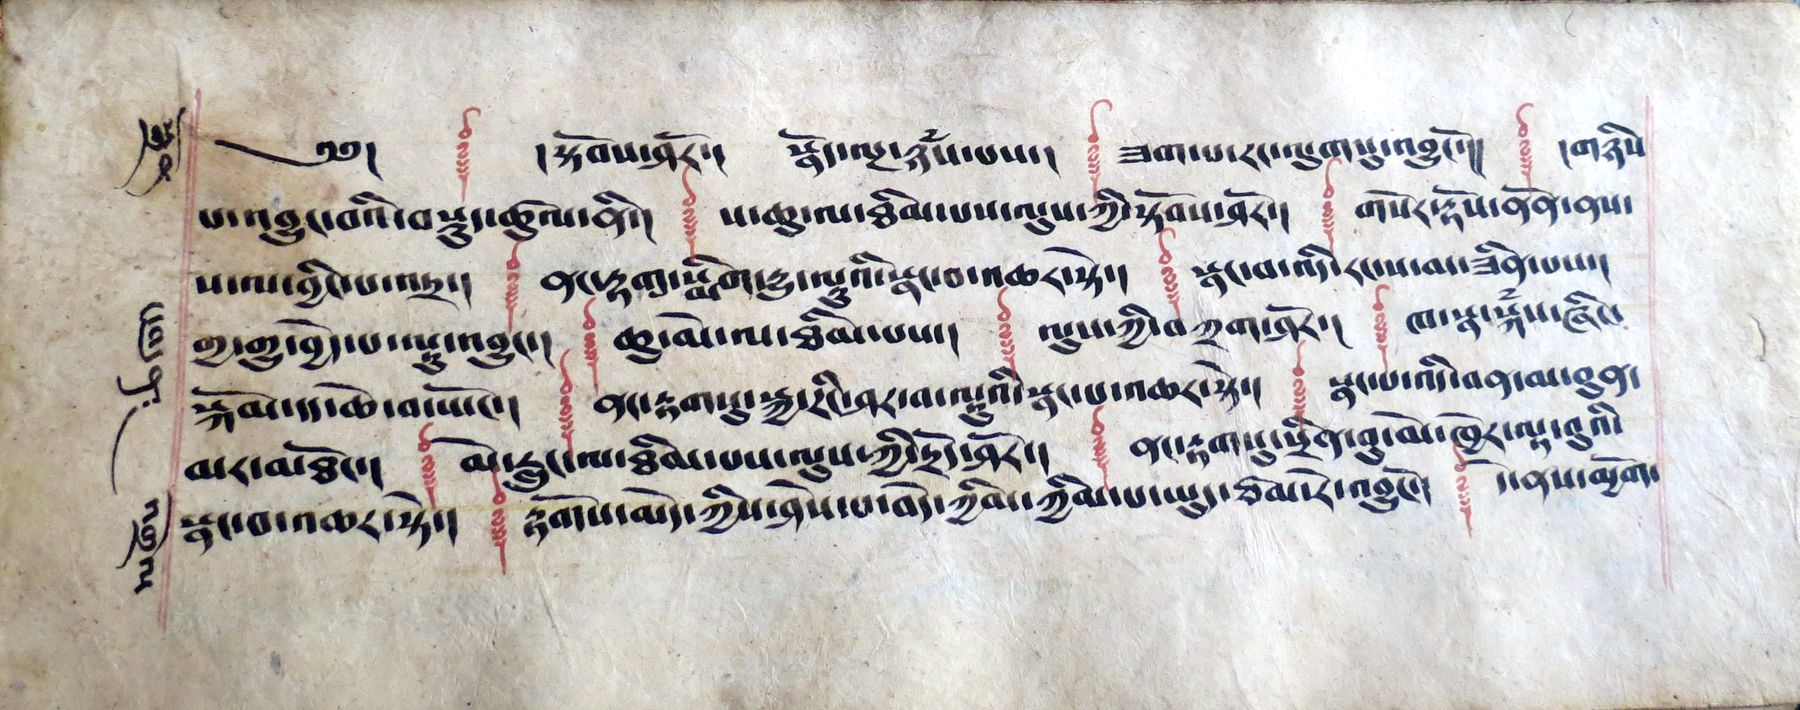སྟོབས་ཤོར། སྣོད་ལྔ་ཉམས་པས། ཟག་པ་ལྔ་རང་ལུགས་སུ་འབྱུང་ངོ་། །གཉིས་
པ་འབྱུང་བའི་བསྡུད་ཚུལ་ནི། ས་ཆུ་ལ་ཐིམ་པས་ལུས་ཀྱི་སྟོབས་ཤོར། གསེར་རྡོས་མནན་ནས་
ས་ལ་བྱིང་པ་འདྲ། ནང་རྟགས་སུ་སྨིག་སྒྱུ་ལྟ་བུའི་སྣང་བ་འཆར་ཏེ། སྣང་བ་འདི་རང་ས་མ་ཟིན་པས། 
གྱ་གྱུ་བྱེད་པ་ལྟ་བུ་འབྱུང་། ཆུ་མེ་ལ་ཐིམ་པས། ལུས་ཀྱི་བཀྲག་ཤོར་ཁ་སྣ་སྐམ་ཞིང་
སྐོམ་དད་ཆེ་བ་ཡོད། ནང་རྟགས་སུ་སྐྱ་རེངས་ཤར་བ་ལྟ་བུའི་སྣང་བ་འཆར་ཏེ། སྣང་བ་འདི་བན་མ་བུན་
མར་མཐོང་། མེ་རླུང་ལ་ཐིམ་པས་ལུས་ཀྱི་དྲོད་ཤོར། ནང་རྟགས་སུ་སྲིན་བུ་མེ་ཁྱེར་ལྟ་བུའི་
སྣང་བ་འཆར་ཏེ། རྟོག་མེད་ཀྱི་ཤེས་པ་བདེ་ཅེམ་ཅེམ་པ་ཡུད་ཙམ་རེ་འབྱུང་ངོ་། །དེ་ནས་མྱོག་